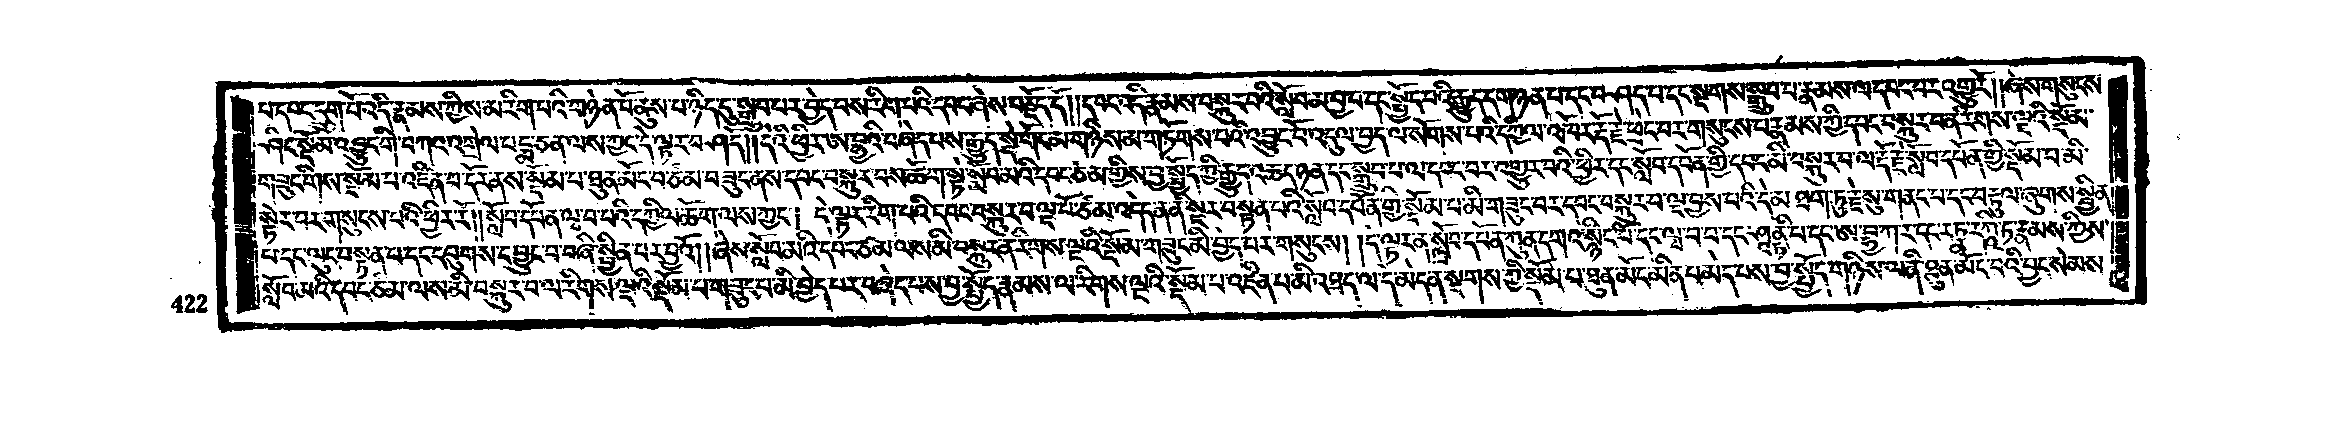པ་དབང་དྲུག་པོ་འདི་རྣམས་ཀྱིས་མ་རིག་པའི་གཉེན་པོ་ནུས་པ་ཉིད་དུ་སྒྲུབ་པར་བྱེད་པས་རིག་པའི་དབང་ཞེས་བརྗོད་དོ། །དབང་འདི་རྣམས་བསྐུར་བའི་སློབ་མ་བྱ་བ་དང་སྤྱོད་པའི་རྒྱུད་དག་ཉན་པ་དང་བཤད་པ་དང་སྔགས་སྒྲུབ་པ་རྣམས་ལ་དབང་བར་འགྱུར་རོ། །ཞེས་གསུངས་
ཤིང་སྡོམ་འབྱུང་གི་བཀའ་འགྲེལ་པདམ་ཅན་ལས་ཀྱང་དེ་ལྟར་བཤད་དོ། །དེའི་ཕྱིར་ཨ་བྷྱའི་བཞེད་པས་རྒྱུད་སྡེ་གོང་མ་གཉིས་མ་གཏོགས་པའི་འབྱུང་པོ་འདུལ་བྱད་ལ་སོགས་པའི་དཀྱིལ་འཁོར་རྡོ་རྗེ་ཕྲེང་བར་གསུངས་པ་རྣམས་ཀྱི་དབང་བསྐུར་བ་ན་རིགས་ལྔའི་སྡོམ་
གཟུང་གིས་སྡོམ་པ་འཛིན་པ་དོར་ནས་སྡོམ་པ་ཐུན་མོང་བ་ཙམ་བཟུང་ནས་དབང་བསྐུར་བས་ཆོག་སྟེ་སློབ་མའི་དབང་ཙམ་གྱིས་བྱ་སྤྱོད་ཀྱི་རྒྱུད་འཆད་ཉན་དང་སྒྲུབ་པ་ལ་དབང་བར་འགྱུར་བའི་ཕྱིར་དང་སློབ་དཔོན་གྱི་དབང་མི་བསྐུར་བ་ལ་རྡོ་རྗེ་སློབ་དཔོན་གྱི་སྡོམ་པ་མི་
སྟེར་བར་གསུངས་པའི་ཕྱིར་རོ། །སློབ་དཔོན་ལྭ་བ་པའི་དཀྱིལ་ཆོག་ལས་ཀྱང་། དེ་ལྟར་རིག་པའི་དབང་བསྐུར་བ་ལྔ་པོ་ཙམ་འདོད་ན་ནི་སྔར་བསྟན་པའི་སློབ་དཔོན་གྱི་སྡོམ་པ་མི་གཟུང་བར་དབང་བསྐུར་བ་ལྔ་བྱས་པའི་དེ་མ་ཐག་ཏུ་རྗེས་སུ་གནང་བ་དང་བརྟུལ་ཞུགས་སྦྱིན་
པ་དང་ལུང་བསྟན་པ་དང་དབུགས་དབྱུང་བ་བཞི་སྦྱིན་པར་བྱའོ། །ཞེས་སློབ་མའི་དབང་ཙམ་ལས་མི་བསྐུར་ན་རིགས་ལྔའི་སྡོམ་གཟུང་མི་བྱེད་པར་གསུངས། །དེ་ལྟར་ན་སློབ་དཔོན་ཀུན་དགའ་སྙིང་པོ་དང་ལྭ་བ་པ་དང་ཤཱནྟི་པ་དང་ཨ་བྷྱ་ཀ་ར་དང་རཏྣ་རཀྵི་ཏ་རྣམས་ཀྱིས་
སློབ་མའི་དབང་ཙམ་ལས་མི་བསྐུར་བ་ལ་རིགས་ལྔའི་སྡོམ་པ་གཟུང་བ་མི་བྱེད་པར་བཞེད་པས་བྱ་སྤྱོད་རྣམས་ལ་རིགས་ལྔའི་སྡོམ་པ་འཛིན་པ་མི་འཐད་ལ་དེ་མེད་ན་སྔགས་ཀྱི་སྡོམ་པ་ཐུན་མོང་མིན་པ་མེད་པས་བྱ་སྤྱོད་གཉིས་ལ་ནི་ཐུན་མོང་བའི་བྱང་སེམས་